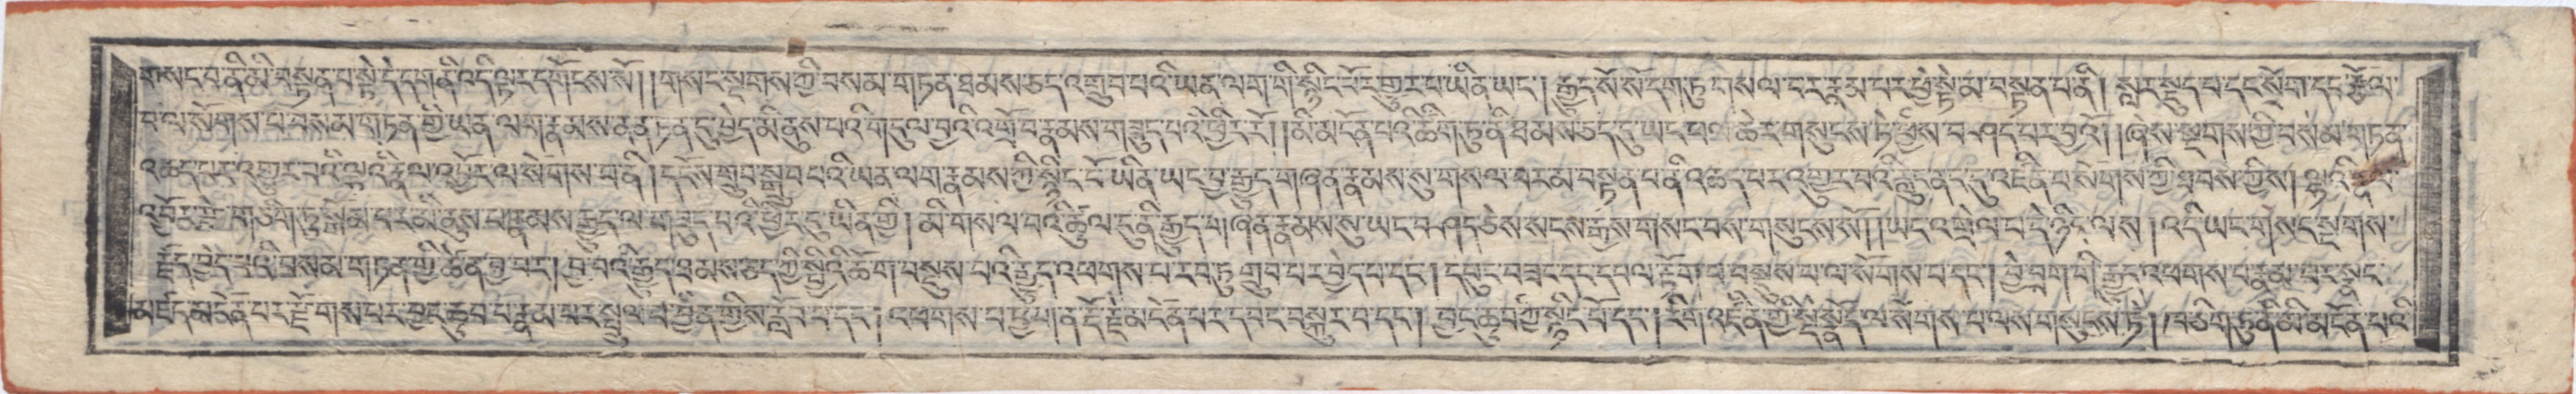གསང་བ་ནི་མི་བསྟན་པ་སྟེ་དེ་དག་ནི་འདི་ལྟར་དགོངས་སོ། །གསང་སྔགས་ཀྱི་བསམ་གཏན་ཐམས་ཅད་འགྲུབ་པའི་ཡན་ལག་གི་སྙིང་པོར་གྱུར་པ་ཡིན་ཡང་། རྒྱུད་སོ་སོ་དག་ཏུ་གསལ་བར་རྣམ་པར་ཕྱེ་སྟེ་མ་བསྟན་པ་ནི། སླར་སྡུད་པ་དང་སྲོག་དང་རྩོལ་
བ་ལ་སོགས་པ་བསམ་གཏན་གྱི་ཡན་ལག་རྣམས་ནན་ཏན་དུ་བྱེད་མི་ནུས་པའི་གདུལ་བྱའི་འགྲོ་བ་རྣམས་གཟུད་པའི་ཕྱིར་རོ། །མི་མངོན་པའི་ཚིག་ཏུ་ནི་ཐམས་ཅད་དུ་ཡང་ཕལ་ཆེར་གསུངས་ཏེ་ཕྱིས་བཤད་པར་བྱའོ། །ཞེས་སྔགས་ཀྱི་བསམ་གཏན་
འཆད་པར་འགྱུར་བའི་ལྷའི་རྣལ་འབྱོར་ལ་སོགས་པ་ནི། དངོས་གྲུབ་སྒྲུབ་པའི་ཡན་ལག་རྣམས་ཀྱི་སྙིང་པོ་ཡིན་ཡང་བྱ་རྒྱུད་གཞན་རྣམས་སུ་གསལ་བར་མ་བསྟན་པ་ནི་འཆད་པར་འགྱུར་བའི་རླུང་ནང་དུ་འཛིན་པ་སོགས་ཀྱི་ཐབས་ཀྱིས། ལྷའི་རྣལ་
འབྱོར་རྩེ་གཅིག་ཏུ་སྒོམ་པར་མི་ནུས་པ་རྣམས་རྒྱུད་ལ་གཟུད་པའི་ཕྱིར་དུ་ཡིན་གྱི། མི་གསལ་བའི་ཚུལ་དུ་ནི་རྒྱུད་གཞན་རྣམས་སུ་ཡང་བཤད་ཅེས་སངས་རྒྱས་གསང་བས་གསུངས་སོ། །ཡང་འགྲེལ་པ་དེ་ཉིད་ལས། འདི་ཡང་གསང་སྔགས་
བརྗོད་བྱེད་པའི་བསམ་གཏན་གྱི་ཚེ་ན་བྱ་བར། བྱ་བའི་རྒྱུད་ཐམས་ཅད་ཀྱི་སྤྱིའི་ཆོ་ག་བསྡུས་པའི་རྒྱུད་འཕགས་པ་རབ་ཏུ་གྲུབ་པར་བྱེད་པ་དང་། དཔུང་བཟང་དང་དཔལ་རྟོག་པ་བསྡུས་པ་ལ་སོགས་པ་དང་། བྱེ་བྲག་གི་རྒྱུད་འཕགས་པ་རྣམ་པར་སྣང་
མཛད་མངོན་པར་རྫོགས་པར་བྱང་ཆུབ་པ་རྣམ་པར་སྤྲུལ་པ་བྱིན་གྱིས་རློབ་པ་དང་། འཕགས་པ་ཕྱག་ན་རྡོ་རྗེ་མངོན་པར་དབང་བསྐུར་བ་དང་། བྱང་ཆུབ་ཀྱི་སྙིང་པོ་དང་། རིག་འཛིན་གྱི་སྡེ་སྣོད་ལ་སོགས་པ་ལས་གསུངས་ཏེ། ཁ་ཅིག་ཏུ་ནི་མི་མངོན་པའི་